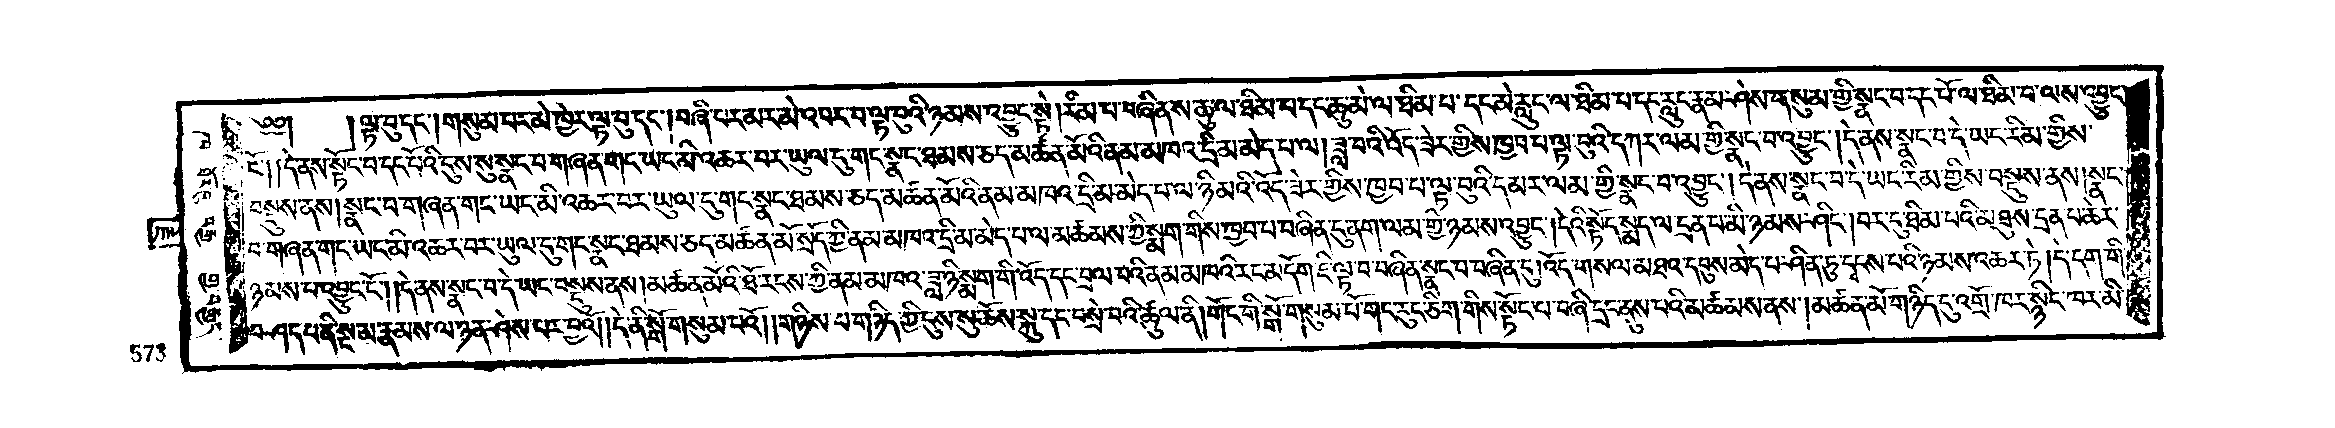༄༅། །ལྟ་བུ་དང་། གསུམ་པར་མེ་ཁྱེར་ལྟ་བུ་དང་། བཞི་པར་མར་མེ་འབར་བ་ལྟ་བུའི་ཉམས་འབྱུང་སྟེ། རིམ་པ་བཞིན་ས་ཆུ་ལ་ཐིམ་པ་དང་ཆུ་མེ་ལ་ཐིམ་པ་དང་མེ་རླུང་ལ་ཐིམ་པ་དང་རླུང་རྣམ་ཤེས་གསུམ་གྱི་སྣང་བ་དང་པོ་ལ་ཐིམ་པ་ལས་འབྱུང་
ངོ༑ ༑དེ་ནས་སྟོང་པ་དང་པོའི་དུས་སུ་སྣང་བ་གཞན་གང་ཡང་མི་འཆར་བར་ཡུལ་དུ་གང་སྣང་ཐམས་ཅད་མཚན་མོའི་ནམ་མཁའ་དྲི་མ་མེད་པ་ལ། ཟླ་བའི་འོད་ཟེར་གྱིས་ཁྱབ་པ་ལྟ་བུའི་དཀར་ལམ་གྱི་སྣང་བ་འབྱུང་། དེ་ནས་སྣང་བ་དེ་ཡང་རིམ་གྱིས་
བསྡུས་ནས། སྣང་བ་གཞན་གང་ཡང་མི་འཆར་བར་ཡུལ་དུ་གང་སྣང་ཐམས་ཅད་མཚན་མོའི་ནམ་མཁའ་དྲི་མ་མེད་པ་ལ་ཉི་མའི་འོད་ཟེར་གྱིས་ཁྱབ་པ་ལྟ་བུའི་དམར་ལམ་གྱི་སྣང་བ་འབྱུང་། དེ་ནས་སྣང་བ་དེ་ཡང་རིམ་གྱིས་བསྡུས་ནས། སྣང་
བ་གཞན་གང་ཡང་མི་འཆར་བར་ཡུལ་དུ་གང་སྣང་ཐམས་ཅད་མཚན་མོ་སྲོད་ཀྱི་ནམ་མཁའ་དྲི་མ་མེད་པ་ལ་མཚམས་ཀྱི་སྨག་གིས་ཁྱབ་པ་བཞིན་དུ་ནག་ལམ་གྱི་ཉམས་འབྱུང་། དེའི་སྟོད་སྨད་ལ་དྲན་པ་མི་ཉམས་ཤིང་། བར་དུ་ཐིམ་པའི་མཐུས་དྲན་པ་ཆེར་
ཉམས་པ་འབྱུང་ངོ། །དེ་ནས་སྣང་བ་དེ་ཡང་བསྡུས་ནས། མཚན་མོའི་ཐོ་རངས་ཀྱི་ནམ་མཁའ་ཟླ་ཉི་སྨག་གི་འོད་དང་བྲལ་བའི་ནམ་མཁའི་རང་མདོག་ཇི་ལྟ་བ་བཞིན་སྣང་བ་བཞིན་དུ། འོད་གསལ་མཐའ་དབུས་མེད་པ་ཤིན་ཏུ་དྭངས་པའི་ཉམས་འཆར་ཏེ། དེ་དག་གི་
བཤད་པ་ནི་སྔ་མ་རྣམས་ལ་ཉན་ཤེས་པར་བྱའོ། །དེ་ནི་སྒོ་གསུམ་པའོ། །གཉིས་པ་གཉིད་ཀྱི་དུས་སུ་ཆོས་སྐུ་དང་བསྲེ་བའི་ཚུལ་ནི། གོང་གི་སྒོ་གསུམ་པོ་གང་རུང་ཅིག་གིས་སྟོང་པ་བཞི་དྲང་ནུས་པའི་མཚམས་ནས། མཚན་མོ་གཉིད་དུ་འགྲོ་ཁར་སྙིང་ཁར་མི་